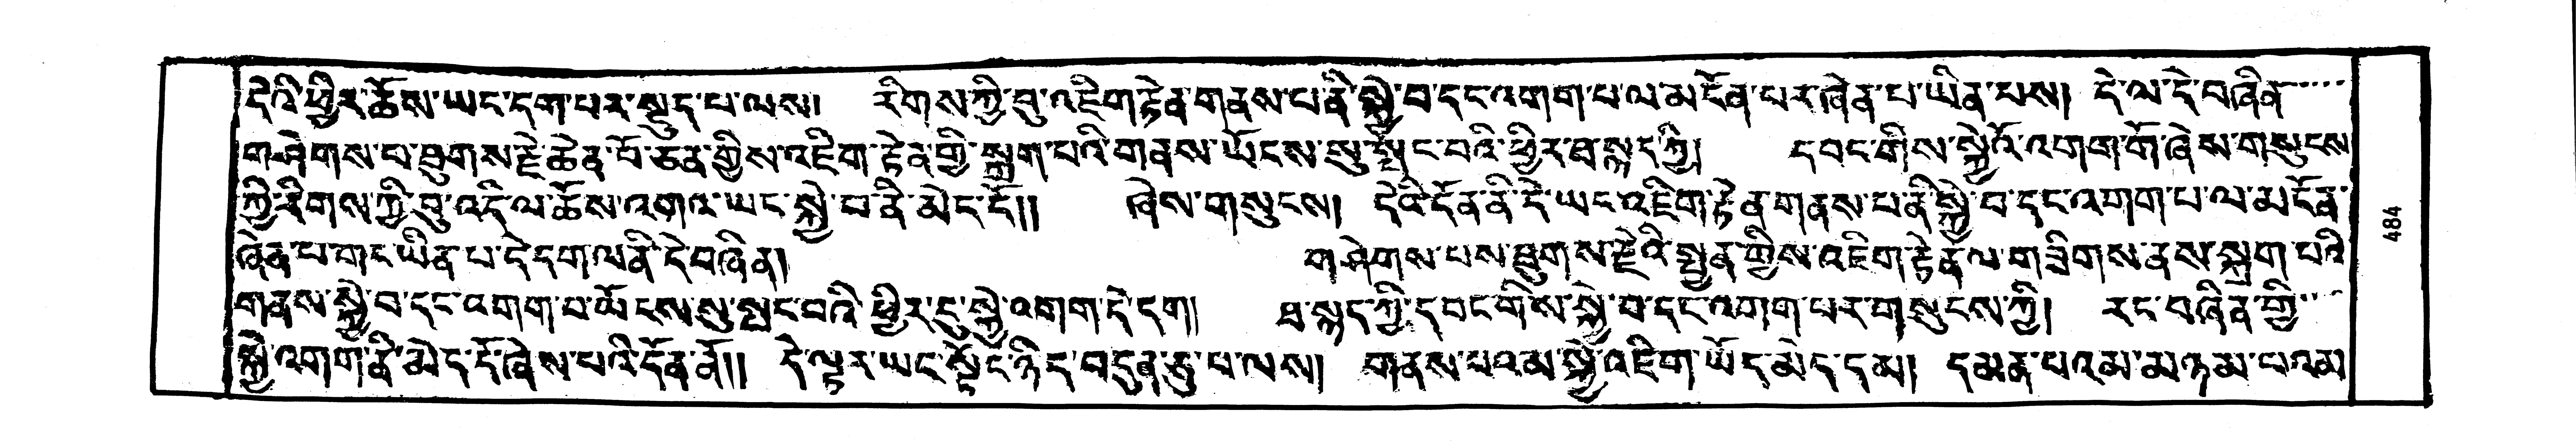དེའི་ཕྱིར་ཆོས་ཡང་དག་པར་སྡུད་པ་ལས། རིགས་ཀྱི་བུ་འཇིག་རྟེན་གནས་པ་ནི་སྐྱེ་བ་དང་འགག་པ་ལ་མངོན་པར་ཞེན་པ་ཡིན་པས། དེ་ལ་དེ་བཞིན་
གཤེགས་པ་ཐུགས་རྗེ་ཆེན་པོ་ཅན་གྱིས་འཇིག་རྟེན་གྱི་སྐྲག་པའི་གནས་ཡོངས་སུ་སྤང་བའི་ཕྱིར་ཐ་སྙད་ཀྱི། དབང་གིས་སྐྱེའོ་འགག་གོ་ཞེས་གསུངས་
ཀྱི་རིགས་ཀྱི་བུ་འདི་ལ་ཆོས་འགའ་ཡང་སྐྱེ་བ་ནི་མེད་དོ། །ཞེས་གསུངས། དེའི་དོན་ནི་དེ་ཡང་འཇིག་རྟེན་གནས་པ་ནི་སྐྱེ་བ་དང་འགག་པ་ལ་མངོན་
ཞེན་པ་གང་ཡིན་པ་དེ་དག་ལ་ནི་དེ་བཞིན། གཤེགས་པས་ཐུགས་རྗེའི་སྤྱན་གྱིས་འཇིག་རྟེན་ལ་གཟིགས་ནས་སྐྲག་པའི་
གནས་སྐྱེ་བ་དང་འགག་པ་ཡོངས་སུ་སྤང་བའི་ཕྱིར་དུ་སྐྱེ་འགག་དེ་དག། ཐ་སྙད་ཀྱི་དབང་གིས་སྐྱེ་བ་དང་འགག་པར་གསུངས་ཀྱི། རང་བཞིན་གྱི་
སྐྱེ་འགག་ནི་མེད་དོ་ཞེས་པའི་དོན་ནོ། །དེ་ལྟར་ཡང་སྟོང་ཉིད་བདུན་ཅུ་པ་ལས། གནས་པའམ་སྐྱེ་འཇིག་ཡོད་མེད་དམ། དམན་པའམ་མཉམ་པའམ་